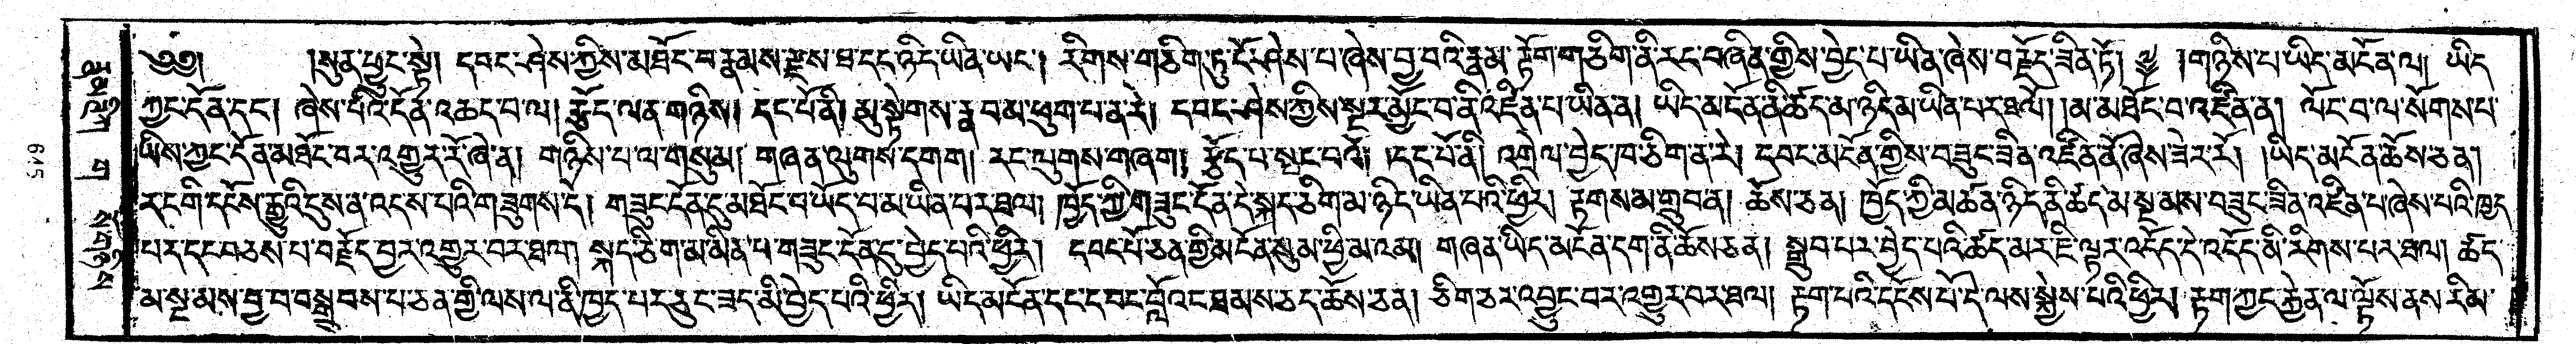༄༅། །སུན་ཕྱུང་སྟེ། དབང་ཤེས་ཀྱིས་མཐོང་བ་རྣམས་རྫས་ཐ་དད་ཉིད་ཡིན་ཡང་། རིགས་གཅིག་ཏུ་ངོ་ཤེས་པ་ཞེས་བྱ་བའི་རྣམ་རྟོག་གཅིག་ནི་རང་བཞིན་གྱིས་བྱེད་པ་ཡིན་ཞེས་བརྗོད་ཟིན་ཏོ། ༈ །གཉིས་པ་ཡིད་མངོན་ལ། ཡིད་
ཀྱང་དོན་དང་། ཞེས་པའི་དོན་འཆད་བ་ལ། རྩོད་ལན་གཉིས། དང་པོ་ནི། མུ་སྟེགས་རྣ་བ་མ་ཕུག་པ་ན་རེ། དབང་ཤེས་ཀྱིས་སྔར་མྱོང་བ་ནི་འཛིན་པ་ཡིན་ན། ཡིད་མངོན་ནི་ཚད་མ་ཉིད་མ་ཡིན་པར་ཐོལ། །མ་མཐོང་བ་འཛིན་ན། ལོང་བ་ལ་སོགས་པ་
ཡིས་ཀྱང་དོན་མཐོང་བར་འགྱུར་རོ་ཞེ་ན། གཉིས་པ་ལ་གསུམ། གཞན་ལུགས་དགག། རང་ལུགས་གཞག། རྩོད་པ་སྤང་བའོ། །དང་པོ་ནི། འགྲེལ་བྱེད་ཁ་ཅིག་ན་རེ། དབང་མངོན་གྱིས་བཟུང་ཟིན་འཛིན་ནོ་ཞེས་ཟེར་རོ། །ཡིད་མངོན་ཆོས་ཅན།
རང་གི་དངོས་རྒྱུའི་དུས་ན་འདས་པའི་གཟུགས་དེ། གཟུང་དོན་དུ་མཐོང་བ་ཡོད་པ་མ་ཡིན་པར་ཐལ། ཁྱོད་ཀྱི་གཟུང་དོན་དེ་སྐད་ཅིག་མ་ཉིད་ཡིན་པའི་ཕྱིར། རྟགས་མ་གྲུབ་ན། ཆོས་ཅན། ཁྱོད་ཀྱི་མཚན་ཉིད་ནི་ཚད་མ་སྔ་མས་བཟུང་ཟིན་འཛིན་པ་ཞེས་པའི་ཁྱད་
པར་དང་བཅས་པ་བརྗོད་བྱར་འགྱུར་བར་ཐལ། སྐད་ཅིག་མ་མིན་པ་གཟུང་དོན་དུ་བྱེད་པའི་ཕྱིར། དབང་པོ་ཅན་གྱི་མངོན་སུམ་ཕྱི་མའམ། གཞན་ཡིད་མངོན་དག་ནི་ཆོས་ཅན། སྒྲུབ་པར་བྱེད་པའི་ཚད་མར་ཇི་ལྟར་འདོད་དེ་འདོད་མི་རིགས་པར་ཐལ། ཚད་
མ་སྔ་མས་བྱ་བ་བསྒྲུབས་པ་ཅན་གྱི་ལས་ལ་ནི་ཁྱད་པར་ཅུང་ཟད་མི་བྱེད་པའི་ཕྱིར། ཡིད་མངོན་དང་དབང་བློའང་ཐམས་ཅད་ཆོས་ཅན། ཅིག་ཅར་འབྱུང་བར་འགྱུར་བར་ཐལ། རྟག་པའི་དངོས་པོ་དེ་ལས་སྐྱེས་པའི་ཕྱིར། རྟག་ཀྱང་རྐྱེན་ལ་ལྟོས་ནས་རིམ་